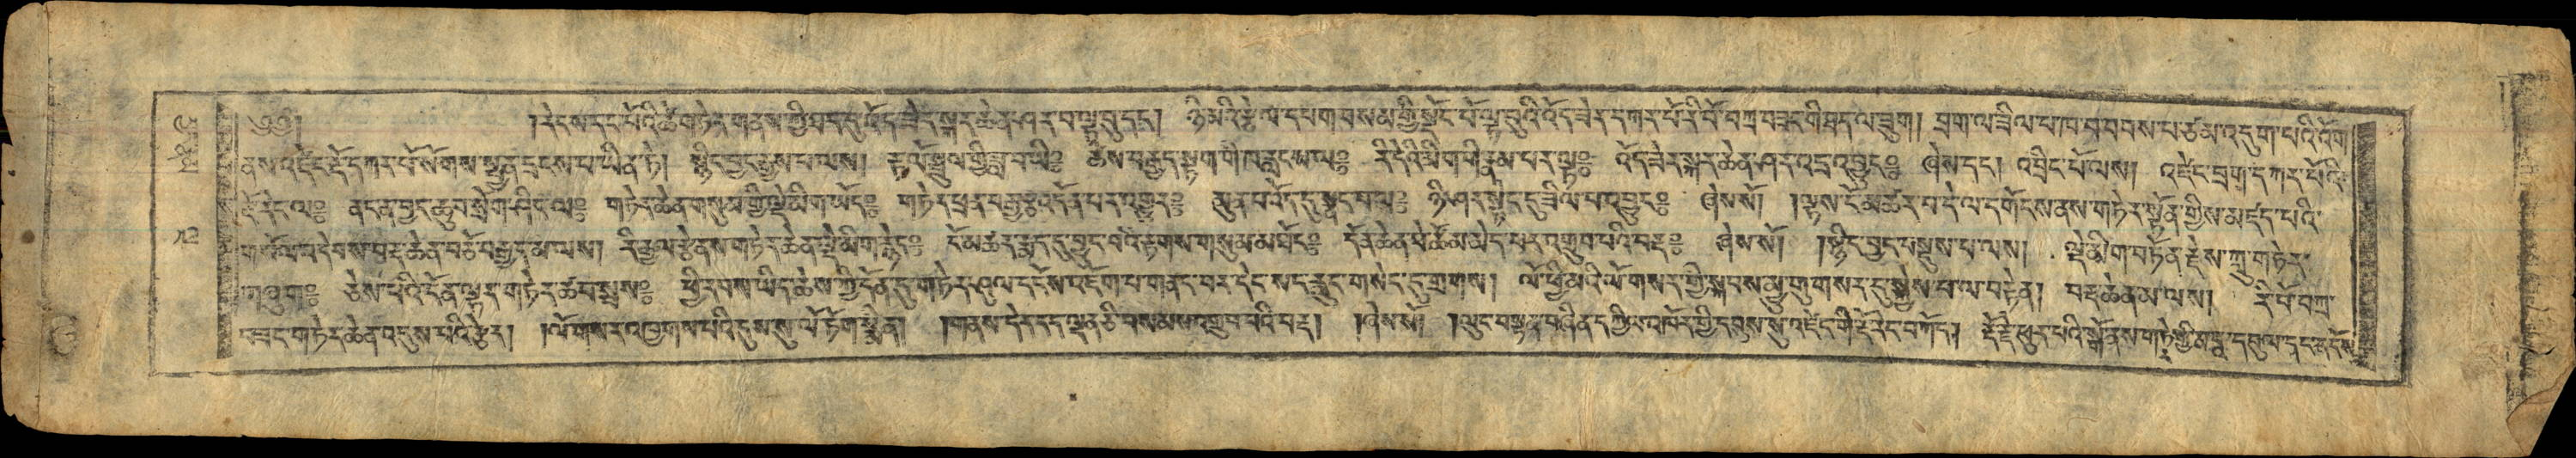༄༅། །རེངས་དང་པོའི་ཚེ་གཏེར་གནས་ཀྱི་ཐད་དུ་འོད་ཟེར་སྐར་ཆེན་ཤར་བལྟ་བུ་དང་། ཉི་མའི་རྩེལ་དཔག་བསམ་གྱི་སྡོང་པོ་ལྟ་བུའི་འོད་ཟེར་དཀར་པོ་རི་བོ་བཀྲ་བཟང་གི་ཟད་ལ་ཟུག། བྲག་ལ་ཟིལ་བ་ཁ་བ་བབས་པ་ཙམ་འདུག་པའི་འོག་
ནས་འཛེང་རྡོ་དཀར་པོ་སོགས་སྤྱན་དྲངས་པ་ཡིན་ཏེ། སྙིང་བྱང་རྒྱས་པ་ལས། རྟ་ལོ་སྤྲུལ་གྱི་ཟླ་བ་ཡིཿ་ཚེས་བརྒྱད་སྟག་གི་ཁ་རླངས་ལཿ་རི་དེའི་མིག་གི་རྣམ་པར་ལྟཿ་འོད་ཟེར་སྐར་ཆེན་ཤར་འདྲ་འབྱུངཿ་ཞེས་དང་། འབྲིང་པོ་ལས། འཛེང་བྲག་དཀར་པོའི་
རྡོ་རེང་ལཿ་ནང་ན་བྱང་ཆུབ་སྲོག་ཤིང་ལཿ་གཏེར་ཆེན་གསུམ་གྱི་ལྡེ་མིག་ཡོདཿ་གཏེར་ཕྲན་བརྒྱ་རྩ་འདོན་པར་འགྱུརཿ་མུན་པ་འོད་དུ་སྣང་བ་ལཿ་ཉི་ཤར་སྟེང་དུ་ཟིལ་བ་འབྱུངཿ་ཞེས་སོ། །ལྟས་ངོ་མཚར་བ་དེ་ལ་དགོངས་ནས་གཏེར་སྟོན་གྱིས་མཛད་པའི་
གསོལ་འདེབས་བརྡ་ཆེན་བཅོ་བརྒྱད་མ་ལས། རི་རྒྱལ་རྩེ་ནས་གཏེར་ཆེན་ལྡེ་མིག་རྙེདཿ་ང་མཆན་རྨད་དུ་བྱུང་བའི་རྟགས་གསུམ་མཐོངཿ་དོན་ཆེན་ཐེ་ཚོམ་མེད་པར་འགྲུབ་པའི་བརྡཿ་ཞེས་སོ། །སྙིང་བྱང་བསྡུས་པ་ལས། ལྡེ་མིག་བཏོན་རྗེས་ཀླུ་གཏེར་
གཞུགཿ་ཅེས་པའི་དོན་ལྟར་གཏེར་ཚ་བ་སྦསཿ་ཕྱི་རབས་ཡིད་ཆེས་ཀྱི་དོན་དུ་གཏེར་ཤུལ་དངོས་འཇོག་པ་གནང་བར་དེང་སང་རླུང་གསེང་དུ་གྲགས། ལོ་ཕྱི་མའི་ལོ་གསར་གྱི་སྐབས་མྱུ་གུ་གསར་དུ་སྐྱེས་པ་ལ་བརྟེན། བརྡ་ཆེན་མ་ལས། རི་བོ་བཀྲ་
བཟང་གཏེར་ཆེན་འདུས་པའི་རྩེར། །ལོ་གསར་འཁྱགས་པའི་དུས་སུ་ལོ་ཏོག་སྨིན། །གནས་དེར་དང་ལྡན་ཅི་བསམས་འགྲུབ་པའི་བརྡ། །ཞེས་སོ། །ལུང་བསྟན་བཞིན་དཀྱིལ་འཁོར་གྱི་དབུས་སུ་འཛེང་གི་རྡོ་རེང་བཀོད། རྡོ་རྗེ་ཕུར་བའི་སྒོ་ནས་གཏེ་གྱི་མ་དཱ་དབུལ་དང་དངོས་